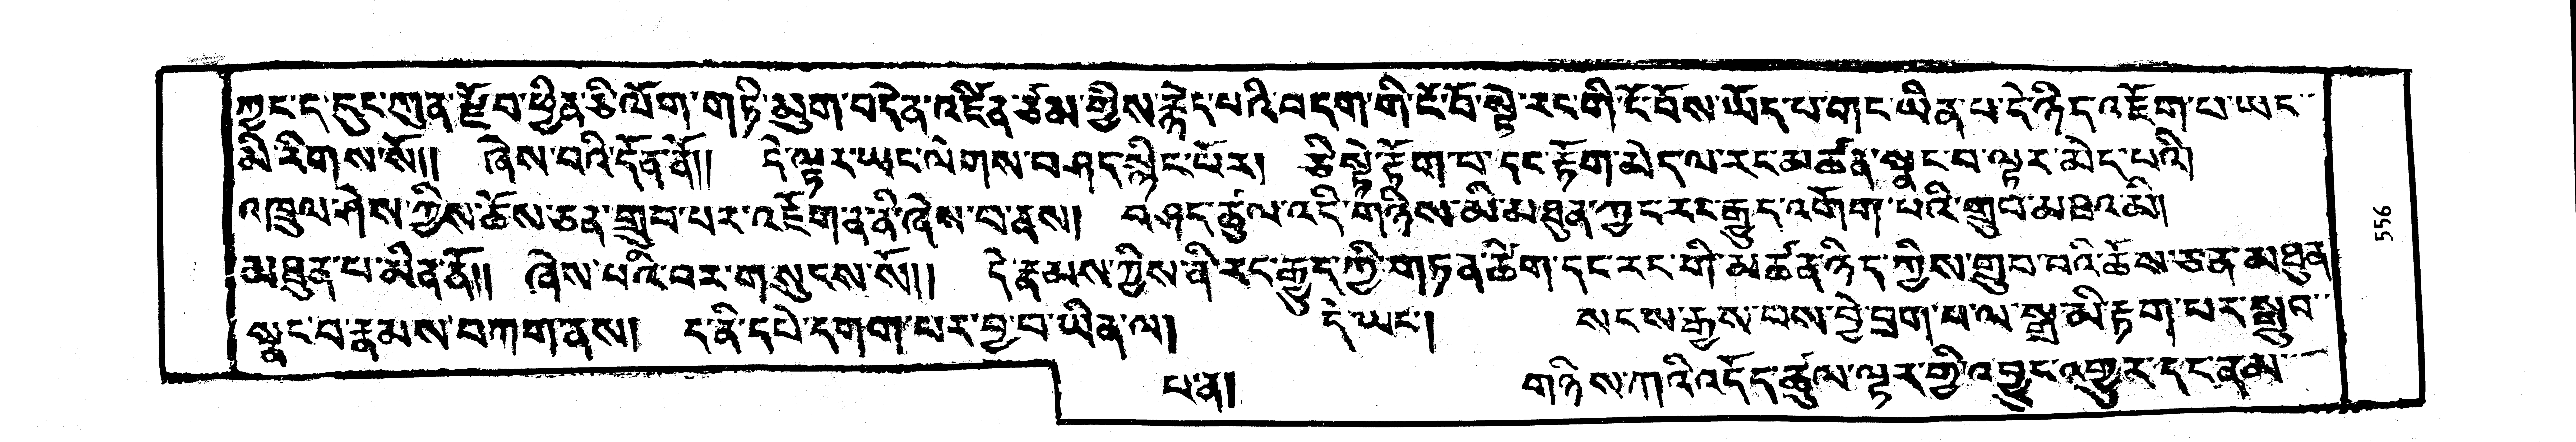ཀྱང་ད་དུང་ཀུན་རྫོབ་ཕྱིན་ཅི་ལོག་གཏི་མུག་བདེན་འཛིན་ཙམ་གྱིས་རྙེད་པའི་བདག་གི་ངོ་བོ་སྟེ་རང་གི་ངོ་བོས་ཡོད་པ་གང་ཡིན་པ་དེ་ཉིད་འཇོག་པ་ཡང་
མི་རིགས་སོ།། ཞེས་པའི་དོན་ནོ།། དེ་ལྟར་ཡང་ལེགས་བཤད་སྙིང་པོར། ཅི་སྟེ་རྟོག་པ་དང་རྟོག་མེད་ལ་རང་མཚན་སྣང་བ་ལྟར་མེད་པའི།
འཁྲུལ་ཤེས་ཀྱིས་ཆོས་ཅན་གྲུབ་པར་འཇོག་ན་ནི་ཞེས་པ་ནས། བཤད་ཚུལ་འདི་གཉིས་མི་མཐུན་ཀྱང་རང་རྒྱུད་འགོག་པའི་གྲུབ་མཐའ་མི།
མཐུན་པ་མིན་ནོ།། ཞེས་པའི་བར་གསུངས་སོ།། དེ་རྣམས་ཀྱིས་ནི་རང་རྒྱུད་ཀྱི་གཏན་ཚིག་དང་རང་གི་མཚན་ཉིད་ཀྱིས་གྲུབ་པའི་ཆོས་ཅན་མཐུན་
སྣང་བ་རྣམས་བཀག་ནས། ད་ནི་དཔེ་དགག་པར་བྱ་བ་ཡིན་ལ། དེ་ཡང་། སངས་རྒྱས་པས་བྱེ་བྲག་པ་ལ་སྒྲ་མི་རྟག་པར་སྒྲུབ་
པ་ན། གཉིས་ཀའི་འདོད་ཚུལ་ལྟར་གྱི་འབྱུང་འགྱུར་དང་ནམ་